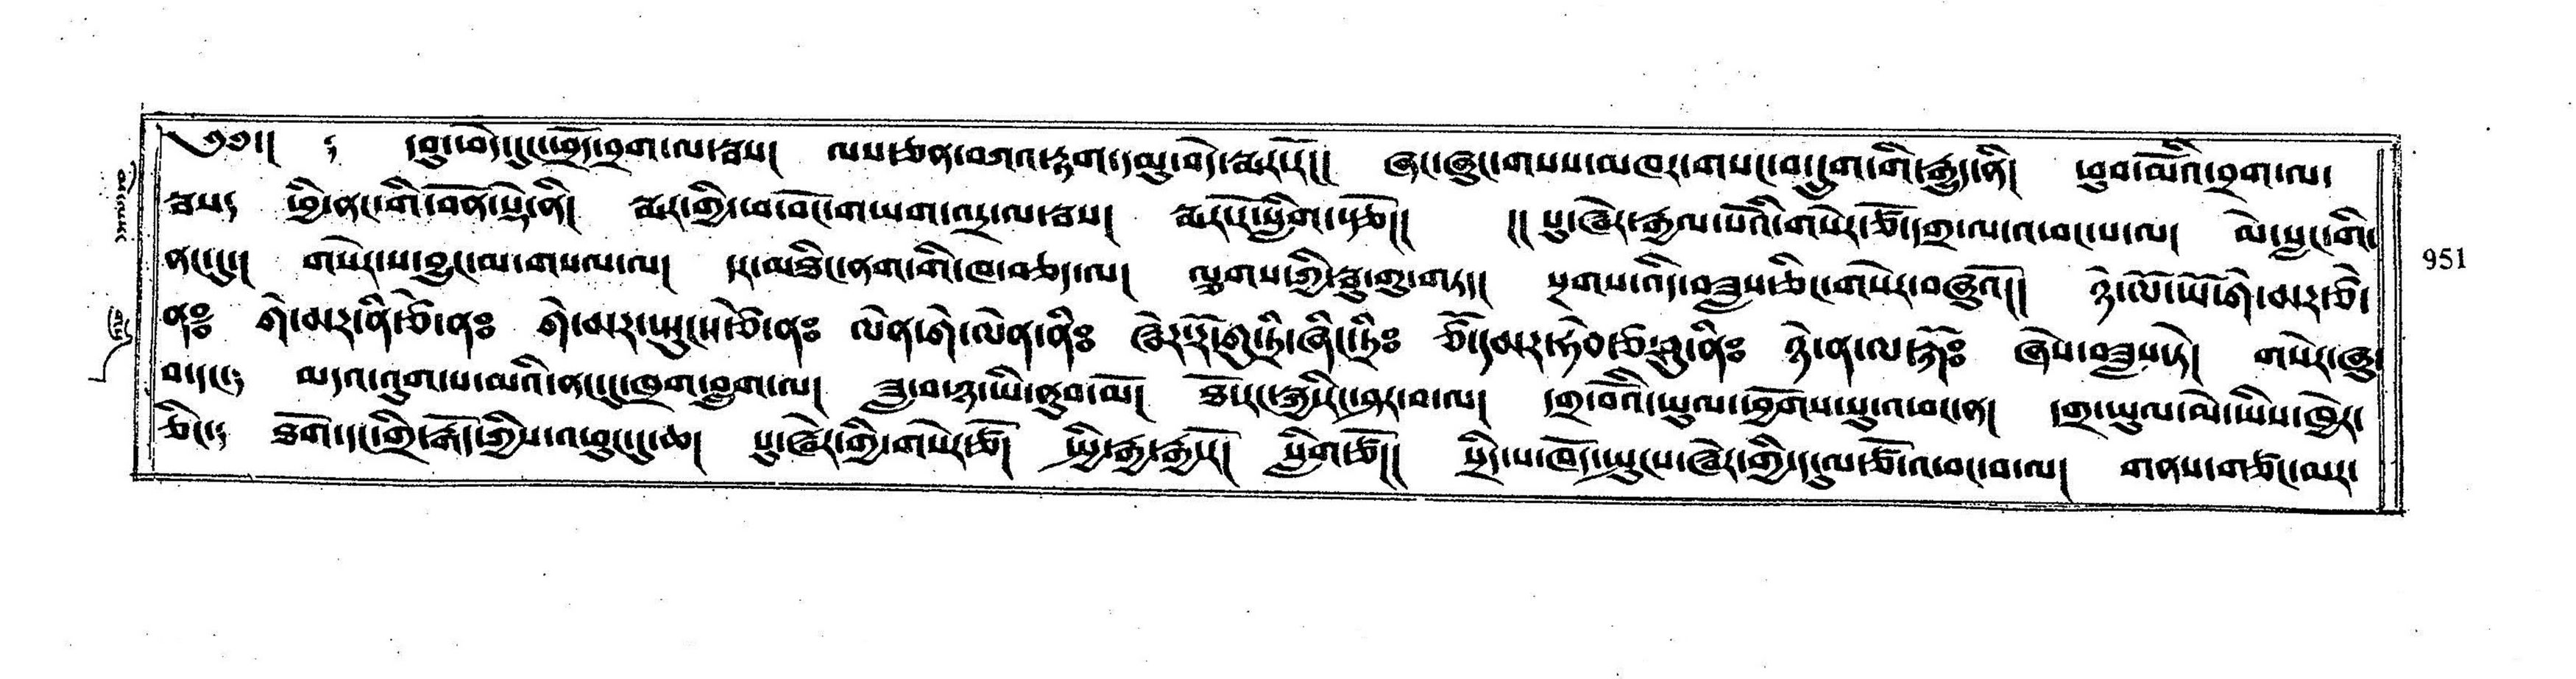དབུ་ཕེད་དུང་ཕྲོད་བྲག་ལ་སྦས། ལས་ཅན་བཀའ་རྟག་དམུ་བདེ་སྨར་རོ།། ཞང་ཞུང་གསས་མཁར་གསང་བ་དྲུག་གི་རྒྱུད་ནི། ཕུབ་མོའི་བྲག་ལ་
སྦས། ཕྱི་ནང་གི་བོན་སྡེ་ནི། སྨར་གྱི་ཕ་བོང་གཡག་འདྲ་ལ་སྦས། སྨར་རོ་སླིག་རྩོ།། །།པུ་ཝེར་རྒྱལ་པོའི་གསེར་ཙོ་དགྲ་ལ་འཕང་པ་ལ། མེ་སླང་གི་
ནང་དུ། གསེར་ས་བྱུང་མ་གསལ་ལ། དར་མཐིང་ནག་གི་ཁ་བཅད་ལ། ལྕགས་ཀྱི་སྦུ་གུ་གཏད། སྔགས་འདི་བཟླས་ཅིང་གསེར་བཞུའོ།། ཉེ་ལོ་ཡོ་གེ་མར་ཙེ་
ན༔ གེ་མར་ནི་ཙེ་ན༔ གེ་མར་སྤུངས་ཙེ་ན༔ ལེན་གེ་ལེན་ནིཿ ཝེར་རོ་གུ་ཏྲི་ཞིང་ཏྲིཿ ཙོ་དམར་ཧེབ་ཙ་ཤུ་ནིཿ ཉེ་ན་ལ་རྐོཿ ཞེས་བཟླས་ཏེ། གསེར་ཞུ་
བ་དང་། མདའ་འུག་པ་མའི་ནང་དུ་ཁྲག་བླུག་ལ། ཟླ་བ་ཉ་ཡི་ནུབ་མོ། ཐོ་རང་སྐྱ་རིང་ཤར་བ་ལ། དགྲ་བོའི་ཡུལ་ཕྱོགས་སུ་འཕང་ན། དགྲ་ཡུལ་མེ་ཡིས་ཁྱེར་
ཅིང་། ཐོག་དང་གྲི་རྒོདཀྱིས་འཕུང་དུ་ཆ། སུ་ཝེར་གྱི་གསེར་ཙོ། སྤྱི་རྒྱ་རྒྱ་རོ། སླིག་ཙོ།། སྲིད་པ་ཁོད་སྤུངས་ཝེར་གྱི་དངུལ་ཙོ་འཕང་བ་ལ། གནས་གཙང་མར་